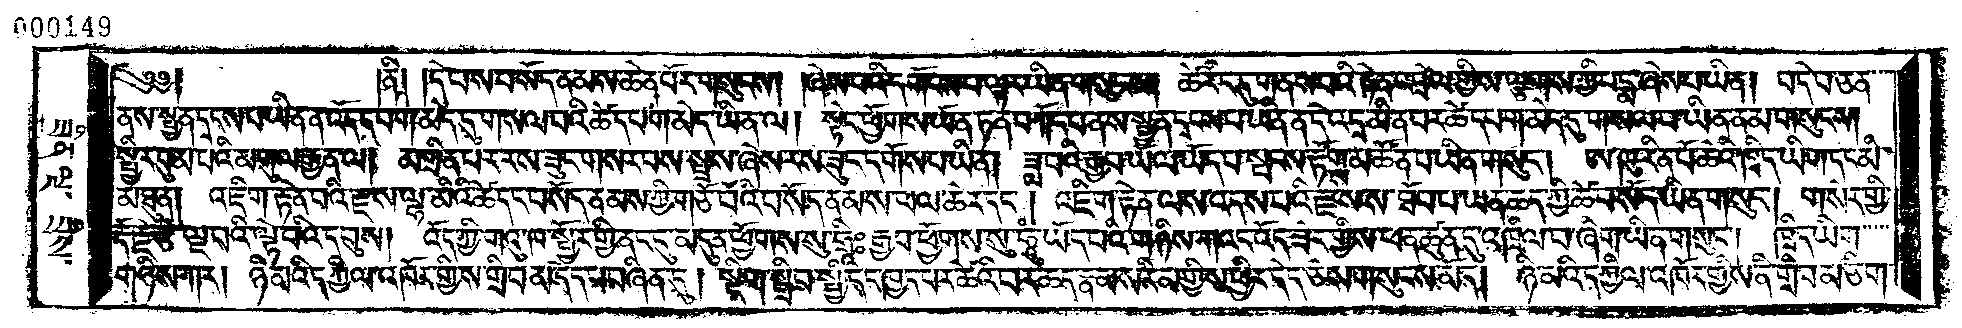༄༅། །ནི། །དེ་པས་བསོད་ནམས་ཆེན་པོར་གསུངས། །ཞེས་པའི་དགོངས་པ་ལྟར་ཡིན་གསུངས། ཚེ་རིང་དུ་གནས་པའི་རྟེན་འབྲེལ་གྱིས་ལྕགས་ཀྱི་པདམ་ཞེས་པ་ཡིན། བདེ་བ་ཅན་
ནས་སྤྱན་དྲངས་པ་ཡིན་ན་འོད་དཔག་མེད་དུ་གསལ་བའི་ཚེ་དཔག་མེད་ཡིན་ལ། སྟེང་ཕྱོགས་ཡོན་ཏན་བཀོད་པ་ནས་སྤྱན་དྲངས་པ་ཡིན་ན་དེ་འདྲ་མིན་པར་ཚེ་དཔག་མེད་དུ་གསལ་བ་ཡིན་ནམ་གསུངས།
སྤྱིར་བུམ་པའི་མགུལ་རྒྱན་ལ། མགྲིན་པར་རས་ཟུང་གསར་པས་སྤྲས་ཞེས་རས་ཟུང་དགོས་པ་ཡིན། ཟླ་བའི་རྒྱབ་ཡོལ་ཡོད་པ་སྤངས་རྟོགས་མཚོན་པ་ཡིན་གསུང་། ཨ་ཁུ་རིན་པོ་ཆེའི་ཁྲིད་ཡིག་དང་མི་
མཐུན། འཇིག་རྟེན་པའི་རྫས་ལྷ་མིའི་ཚེ་དང་བསོད་ནམས་ཀྱི་གཙོ་བོའི་བསོད་ནམས་ཕལ་ཆེར་དང་། འཇིག་རྟེན་ལས་འདས་པའི་རྫས་ས་ཐོབ་པ་ཡན་ཆད་ཀྱི་ཚེ་བསོད་ཡིན་གསུང་། གསེར་གྱི་
རྡོ་རྗེ་རྩེ་ལྔ་པའི་ལྟེ་བའི་དབུས། འོད་ཀྱི་གའུ་ཁ་སྤྱོར་གྱི་ནང་དུ་མདུན་ཕྱོགས་སུ་ཧྲཱིཿ རྒྱབ་ཕྱོགས་སུ་ཧཱུཾ་ཡོད་པའི་གཉིས་ཀའང་འོད་ཟེར་གྱིས་ཕན་ཚུན་དུ་འཁྲིལ་བ་ཞིག་ཡིན་གསུང་། ཁྲིད་ཡིག་
གཉིས་ཀར། ཉི་མའི་དཀྱིལ་འཁོར་གྱིས་གྲིབ་མ་དད་པ་བཞིན་དུ། སྡིག་སྒྲིབ་སྤྱི་དང་ཁྱད་པར་ཚེའི་བར་ཆད་རྣམས་རིམ་གྱིས་ཕྱིར་དེད་ཅེས་གསུངས་མོད། ཉི་མའི་དཀྱིལ་འཁོར་གྱིས་ནི་གྲིབ་མ་ཅིག་